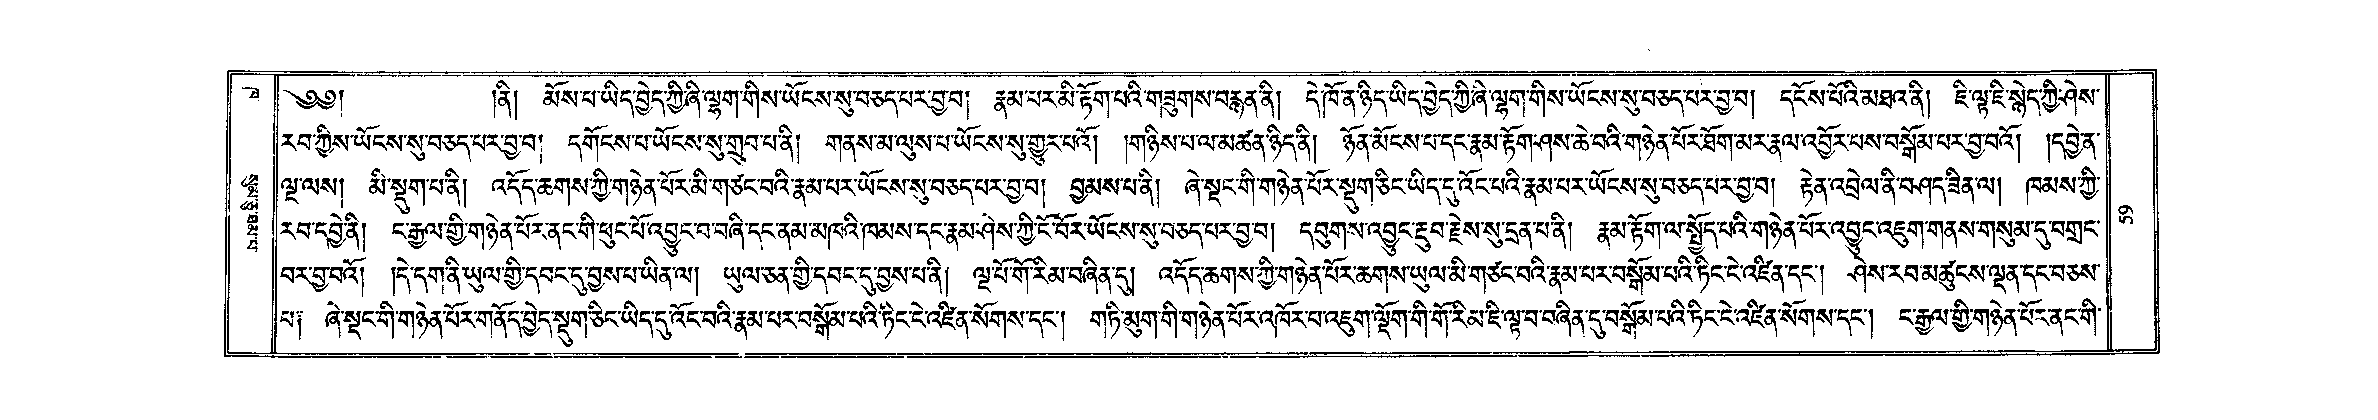༄༅། །ནི། མོས་པ་ཡིད་བྱེད་ཀྱི་ཞི་ལྷག་གིས་ཡོངས་སུ་བཅད་པར་བྱ་བ། རྣམ་པར་མི་རྟོག་པའི་གཟུགས་བརྙན་ནི། དེ་ཁོ་ན་ཉིད་ཡིད་བྱེད་ཀྱི་ཞི་ལྷག་གིས་ཡོངས་སུ་བཅད་པར་བྱ་བ། དངོས་པོའི་མཐའ་ནི། ཇི་ལྟ་ཇི་སྙེད་ཀྱི་ཤེས་
རབ་ཀྱིས་ཡོངས་སུ་བཅད་པར་བྱ་བ། དགོངས་པ་ཡོངས་སུ་གྲུབ་པ་ནི། གནས་མ་ལུས་པ་ཡོངས་སུ་གྱུར་པའོ། །གཉིས་པ་ལ་མཚན་ཉིད་ནི། ཉོན་མོངས་པ་དང་རྣམ་རྟོག་ཤས་ཆེ་བའི་གཉེན་པོར་ཐོག་མར་རྣལ་འབྱོར་པས་བསྒོམ་པར་བྱ་བའོ། །དབྱེ་ན་
ལྔ་ལས། མི་སྡུག་པ་ནི། འདོད་ཆགས་ཀྱི་གཉེན་པོར་མི་གཙང་བའི་རྣམ་པར་ཡོངས་སུ་བཅད་པར་བྱ་བ། བྱམས་པ་ནི། ཞེ་སྡང་གི་གཉེན་པོར་སྡུག་ཅིང་ཡིད་དུ་འོང་པའི་རྣམ་པར་ཡོངས་སུ་བཅད་པར་བྱ་བ། རྟེན་འབྲེལ་ནི་བཤད་ཟིན་ལ། ཁམས་ཀྱི་
རབ་དབྱེ་ནི། ང་རྒྱལ་གྱི་གཉེན་པོར་ནང་གི་ཕུང་པོ་འབྱུང་བ་བཞི་དང་ནམ་མཁའི་ཁམས་དང་རྣམ་ཤེས་ཀྱི་ངོ་བོར་ཡོངས་སུ་བཅད་པར་བྱ་བ། དབུགས་འབྱུང་རྔུབ་རྗེས་སུ་དྲན་པ་ནི། རྣམ་རྟོག་ལ་སྤྱོད་པའི་གཉེན་པོར་འབྱུང་འཇུག་གནས་གསུམ་དུ་བགྲང་
བར་བྱ་བའོ། །དེ་དག་ནི་ཡུལ་གྱི་དབང་དུ་བྱས་པ་ཡིན་ལ། ཡུལ་ཅན་གྱི་དབང་དུ་བྱས་པ་ནི། ལྔ་པོ་གོ་རིམ་བཞིན་དུ། འདོད་ཆགས་ཀྱི་གཉེན་པོར་ཆགས་ཡུལ་མི་གཙང་བའི་རྣམ་པར་བསྒོམ་པའི་ཏིང་ངེ་འཛིན་དང་། ཤེས་རབ་མཚུངས་ལྡན་དང་བཅས་
པ༑ ཞེ་སྡང་གི་གཉེན་པོར་གནོད་བྱེད་སྡུག་ཅིང་ཡིད་དུ་འོང་བའི་རྣམ་པར་བསྒོམ་པའི་ཏིང་ངེ་འཛིན་སོགས་དང་། གཏི་མུག་གི་གཉེན་པོར་འཁོར་བ་འཇུག་ལྡོག་གི་གོ་རིམ་ཇི་ལྟ་བ་བཞིན་དུ་བསྒོམ་པའི་ཏིང་ངེ་འཛིན་སོགས་དང་། ང་རྒྱལ་གྱི་གཉེན་པོར་ནང་གི་